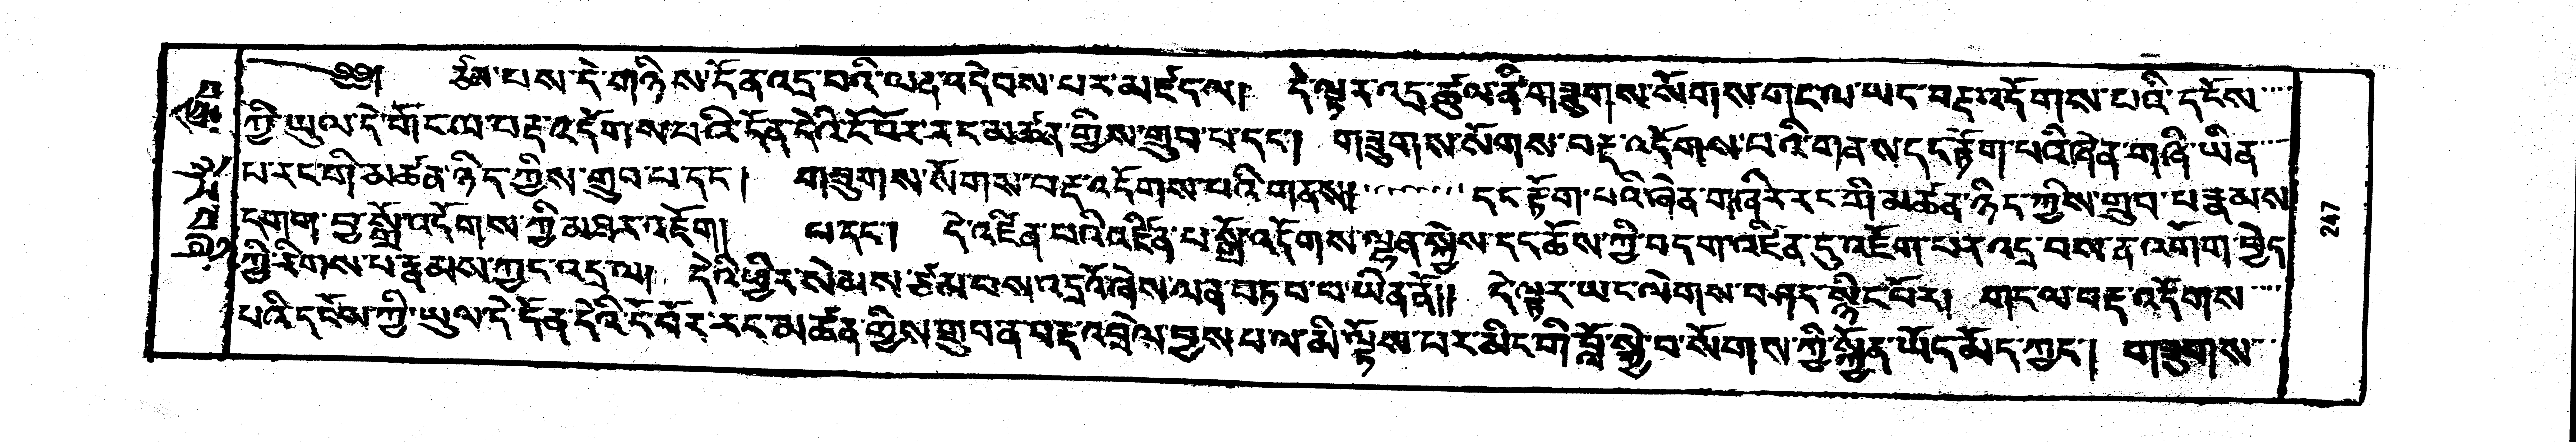༄༅། །ཙམ་པས་དེ་གཉིས་དོན་འདྲ་བའི་ལན་འདེབས་པར་མཛད་ལ། དེ་ལྟར་འདྲ་ཚུལ་ནི་གཟུགས་སོགས་གང་ལ་ཡང་བརྡ་འདོགས་པའི་དངོས་
ཀྱི་ཡུལ་དེ་གོང་ལ་བརྡ་འདོགས་པའི་དོན་དེའི་ངོ་བོར་རང་མཚན་གྱིས་གྲུབ་པ་དང་། གཟུགས་སོགས་བརྡ་འདོགས་པའི་གནས་དང་རྟོག་པའི་ཞེན་གཞི་ཡིན་
པ་རང་གི་མཚན་ཉིད་ཀྱིས་གྲུབ་པ་དང་། གཟུགས་སོགས་བརྡ་འདོགས་པའི་གནས། དང་རྟོག་པའི་ཞེན་གཞིར་རང་གི་མཚན་ཉིད་ཀྱིས་གྲུབ་པ་རྣམས་
དགག་བྱ་སྒྲོ་འདོགས་ཀྱི་མཐར་འཇོག །པ་དང་། དེ་འཛིན་པའི་འཛིན་པ་སྒྲོ་འདོགས་ལྷན་སྐྱེས་དང་ཆོས་ཀྱི་བདག་འཛིན་དུ་འཇོག་པར་འདྲ་བས་ན་འགོག་བྱེད་
ཀྱི་རིགས་པ་རྣམས་ཀྱང་འདྲ་ལ། དེའི་ཕྱིར་སེམས་ཙམ་པས་འདྲའོ་ཞེས་ལན་བཏབ་པ་ཡིན་ནོ། །དེ་ལྟར་ཡང་ལེགས་བཤད་སྙིང་པོར། གང་ལ་བརྡ་འདོགས་
པའི་དངོས་ཀྱི་ཡུལ་དེ་དོན་དེའི་ངོ་བོར་རང་མཚན་གྱིས་གྲུབ་ན་བརྡ་འབྲེལ་བྱས་པ་ལ་མི་ལྟོས་པར་མིང་གི་བློ་སྐྱེ་བ་སོགས་ཀྱི་སྐྱོན་ཡོད་མེད་ཀྱང་། གཟུགས་